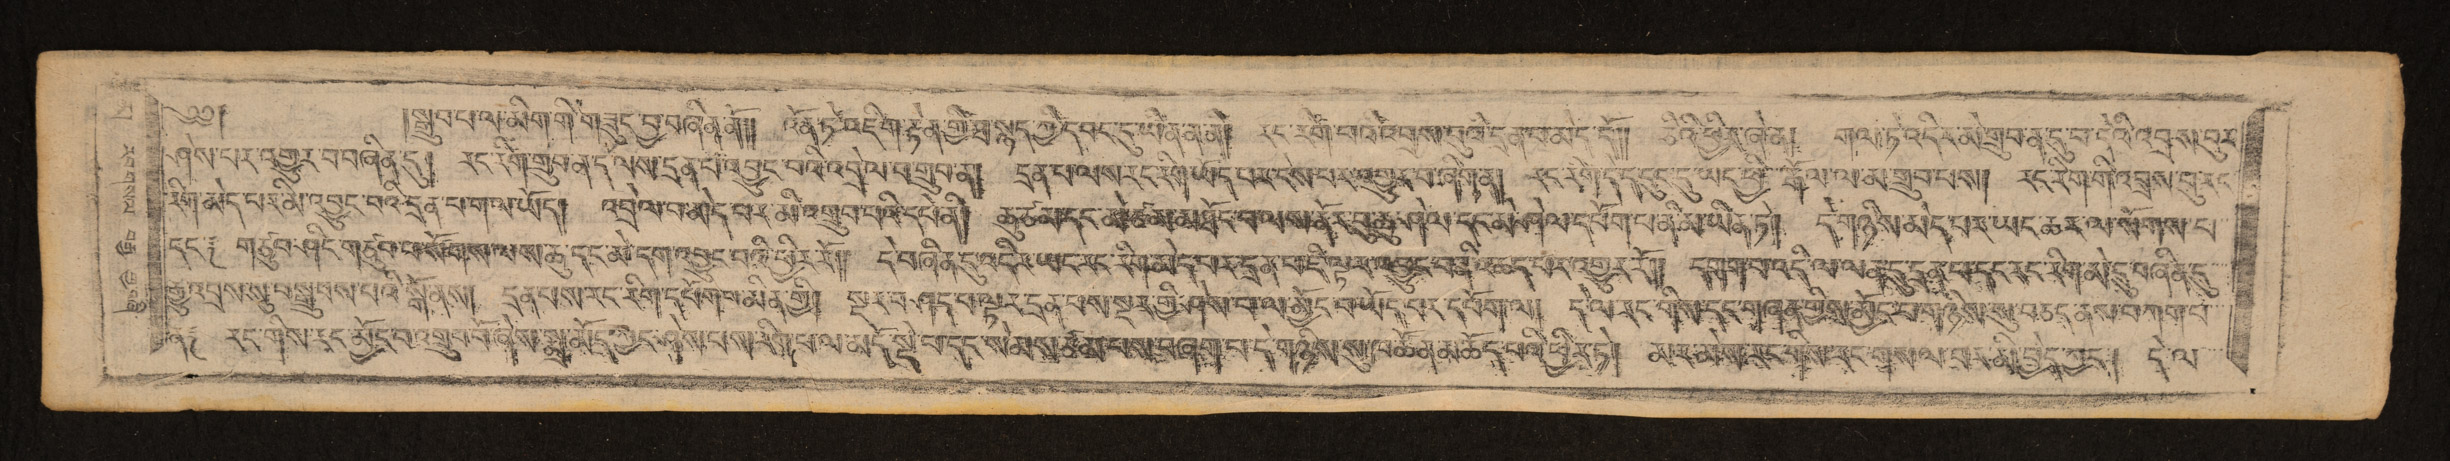༄༅། །སྒྲུབ་པ་ལ་མིག་གི་གཟུང་བྱ་བཞིན་ནོ།། འོན་ཏེ་འཇིག་རྟེན་གྱི་ཐ་སྙད་ཀྱི་དབང་དུ་ཡིན་ན་ནི། རང་རིག་པའི་འབྲས་བུའི་དྲན་པ་མེད་དོ།། ཅིའི་ཕྱིར་ཞེ་ན། གལ་ཏེ་འདིར་མི་གྲུབ་ན་དུ་བ་དེའི་འབྲས་བུར་
ཤེས་པར་འགྱུར་བ་བཞིན་དུ། རང་རིག་གྲུབ་ན་དེ་ལས་དྲན་པ་འབྱུང་བའི་འབྲེལ་བ་གྲུབ་ན། དྲན་པ་ལས་རང་རིག་ཡོད་བར་ངེས་པར་འགྱུར་བ་ཞིག་ན། རང་རིག་དེ་ད་དུང་དུ་ཡང་ཕྱི་རྒོལ་ལ་མ་གྲུབ་པས། རང་རིག་གི་འབྲས་བུ་རང་
རིག་མེད་པར་མི་འབྱུང་བའི་དྲན་པ་ག་ལ་ཡོད། འབྲེལ་བ་མེད་པར་མི་འགྲུབ་པའི་དཔེ་ནི། ཆུ་ཙམ་དང་མེ་ཙམ་མཐོང་བ་ལས་ནོར་བུ་ཆུ་ཤེལ་དང་མེ་ཤེལ་དཔོག་པ་ནི་མ་ཡིན་ཏེ། དེ་གཉིས་མེད་པར་ཡང་ཆར་ལ་སོགས་པ་
དང༑ གཙུབ་ཤིང་གཙུབ་པ་སོགས་ལས་ཆུ་དང་མེ་དག་འབྱུང་བའི་ཕྱིར་རོ།། དེ་བཞིན་དུ་འདིར་ཡང་རང་རིག་མེད་པར་དྲན་པ་ཇི་ལྟར་འབྱུང་བ་ནི་འཆད་པར་འགྱུར་རོ།། དགག་པ་འདི་ལ་ལན་དུ་དྲན་པ་དང་རང་རིག་མེ་དུ་བཞིན་དུ་
རྒྱུ་འབྲས་སུ་བསྒྲུབས་པའི་སྒོ་ནས། དྲན་པས་རང་རིག་དཔོག་པ་མིན་གྱི། སྔར་བཤད་པ་ལྟར་དྲན་པས་སྔར་གྱི་ཤེས་པ་ལ་མྱོང་བ་ཡོད་པར་དཔོག་ལ། དེ་ལ་རང་གིས་དང་གཞན་གྱིས་མྱོང་བ་གཉིས་སུ་བཅད་ནས་བཀག་པ་
ན༑ རང་གིས་རང་མྱོང་བ་འགྲུབ་བོ་ཞེས་སྨྲ་མོད་ཀྱང་ཤེས་པས་རིག་པ་ལ་མདོ་སྡེ་པ་དང་སེམས་ཙམ་པས་བཞག་པ་དེ་གཉིས་སུ་ཁ་ཚོན་མ་ཆོད་པའི་ཕྱིར་ཏེ། མར་མེས་རང་གིས་རང་གསལ་བར་མི་བྱེད་ཀྱང་། དེ་ལ་